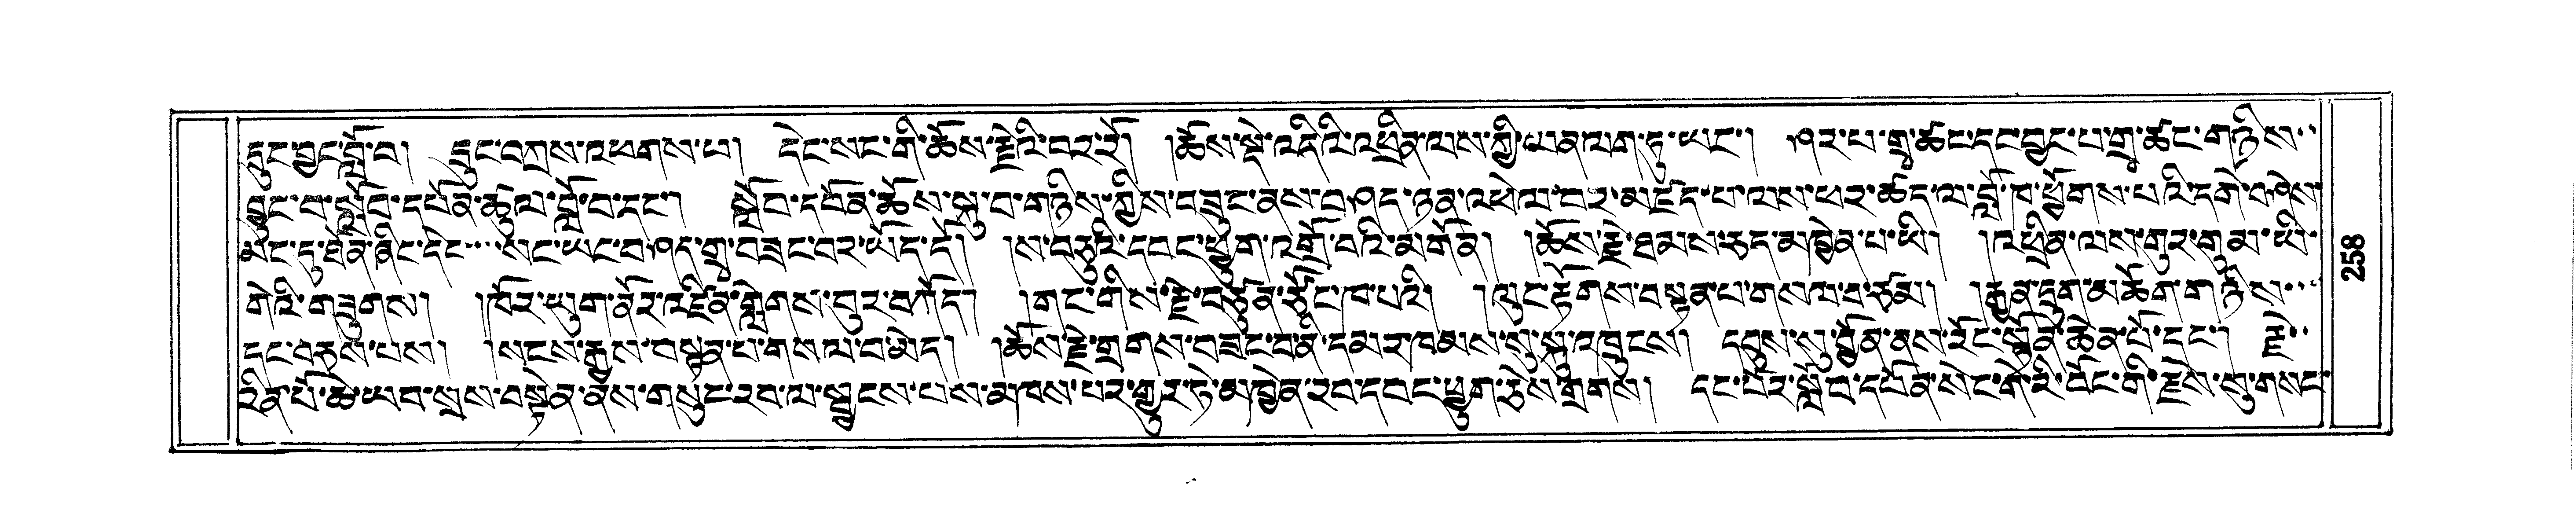དྲུང་བྱང་བློ་བ། དྲུང་བཀྲསའ་ཕགས་པ། དེང་སང་གི་ཆོས་རྗེའི་བར་རོ། །ཆོས་སྡེ་འདིའི་འཕྲིན་ལས་ཀྱི་ལན་ལག་ཏུ་ཡང་། ཤར་པ་གྲྭ་ཚང་དང་བྱང་པ་གྲྭ་ཚང་གཉིས་
བྱུང་བ་སློབ་དཔོན་ཚུལ་བློ་བ་དང་། སློབ་དབོན་ཆོས་སྐུ་བ་གཉིས་ཀྱིས་བཟུང་ནས་བཤད་ཉན་འཕེལ་བར་མཛད་པ་ལས་ཕར་ཚད་ལ་བློ་ཁ་ཕྱོགས་པའི་དགེ་བཤེས་
མང་དུ་ཐོན་ཞིང་དེང་སང་ཡང་བཤད་གྲྭ་བཟང་བར་ཡོད་དོ། །ས་བཅུའི་དབང་ཕྱུག་འགྲོ་བའི་མགོན། །ཆོས་རྗེ་ཐམས་ཅད་མཁྱེན་པ་ཡི། །འཕྲིན་ལས་གྲུ་གུམ་ཡི་
གེའི་གཟུགས། །ཁོར་ཡུག་ནོར་འཛིན་གླེགས་བུར་བཀོད། །གནག་གིས་རྗེ་བཙུན་ཙོང་ཁ་པའི། །ལུང་རྟོགས་བསྟན་པ་གསལ་བ་ཙམ། །རྒྱན་དྲུག་མཆོག་གཉིས་
དང་བཅས་པས། །སངས་རྒྱས་བསྟན་པ་གསལ་བ་མེད། །ཆོས་རྗེ་གྲགས་བཟང་བ་ནི་དམར་ཁམས་སུ་སྐུ་འཁྲུངས། དབུས་སུ་བྱོན་ནས་རོང་སྟོན་ཆེན་པོ་དང་། རྗེ་
རིན་པོ་ཆེ་ཡབ་སྲས་བསྟེན་ནས་གསུངས་རབ་ལ་སྦྱངས་པས་མཁས་པར་གྱུར་ཏེ། མཁྱེན་རབ་དབང་ཕྱུག་ཅེས་གྲགས། དང་པོར་སློབ་དཔོན་སེང་གེ་རི་བོང་གི་རྗེས་སུ་གསང་